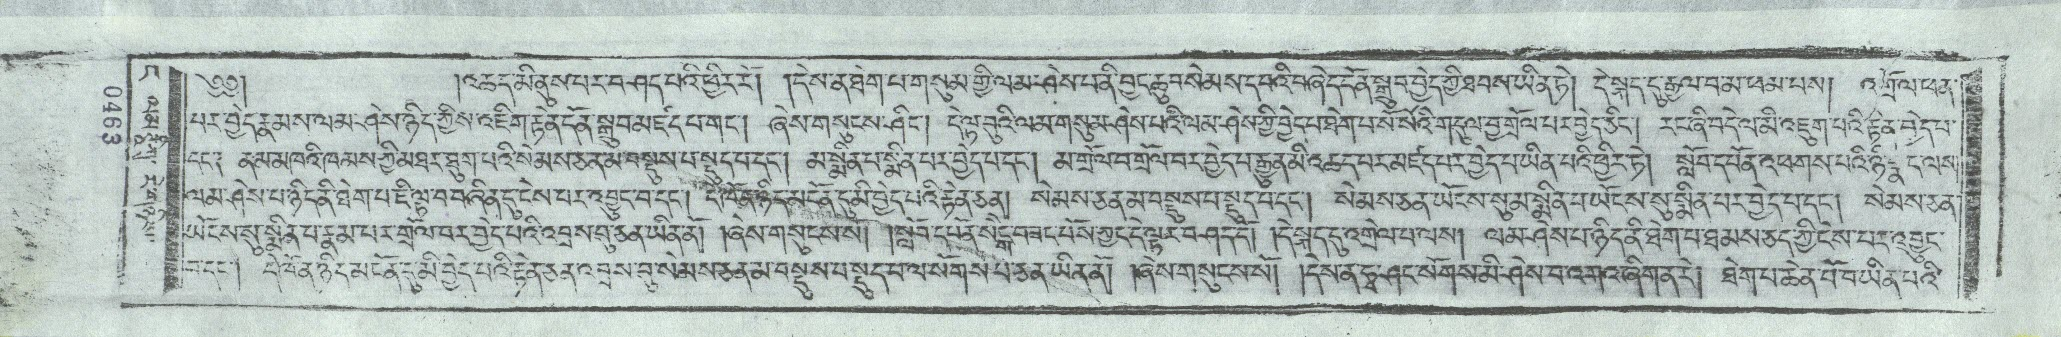༄༅། །འཆད་མི་ནུས་པར་བཤད་པའི་ཕྱིར་རོ། །དེས་ན་ཐེག་པ་གསུམ་གྱི་ལམ་ཤེས་པ་ནི་བྱང་ཆུབ་སེམས་དཔའི་བཞེད་དོན་སྒྲུབ་བྱེད་ཀྱི་ཐབས་ཡིན་ཏེ། དེ་སྐད་དུ་རྒྱལ་བ་མ་ཕམ་པས། འགྲོལ་ཕན་
པར་བྱེད་རྣམས་ལམ་ཤེས་ཉིད་ཀྱིས་འཇིག་རྟེན་དོན་སྒྲུབ་མཛད་པ་གང་། ཞེས་གསུངས་ཤིང་། དེ་ལྟ་བུའི་ལམ་གསུམ་ཤེས་པའི་ལམ་ཤེས་ཀྱི་བྱེད་པ་ཐེག་པ་སོ་སོའི་གདུལ་བྱ་གྲོལ་པར་བྱེད་ཅིང་། རང་ཞི་བདེ་ལ་མི་འཇུག་པའི་རྟེན་བྱེད་པ་
དང༑ ནམ་མཁའི་ཁམས་ཀྱི་མཐར་ཐུག་པའི་སེམས་ཅན་མ་བསྡུས་པ་སྡུད་པ་དང་། མ་སྨིན་པ་སྨིན་པར་བྱེད་པ་དང་། མ་གྲོལ་བ་གྲོལ་བར་བྱེད་པ་རྒྱུན་མི་འཆད་པར་མཛད་པར་བྱེད་པ་ཡིན་པའི་ཕྱིར་ཏེ། སློབ་དཔོན་འཕགས་པའི་ཉི་སྣད་ལས།
ལམ་ཤེས་པ་ཉིད་ནི་ཐེག་པ་ཇི་ལྟ་བ་བཞིན་དུ་ངེས་པར་འབྱུང་བ་དང་། དེ་ཁོ་ན་ཉིད་མངོན་དུ་མི་བྱེད་པའི་རྟེན་ཅན། སེམས་ཅན་མ་བསྡུས་པ་སྡུད་བ་དང་། སེམས་ཅན་ཡོངས་སུ་མ་སྨིན་པ་ཡོངས་སུ་སྨིན་པར་བྱེད་པ་དང་། སེམས་ཅན་
ཡོངས་སུ་སྨིན་པ་རྣམ་པར་གྲོལ་བར་བྱེད་པའི་འབྲས་བུ་ཅན་ཡིན་ནོ། །ཞེས་གསུངས་སོ། །སློབ་དཔོན་སིངྒ་བཟང་པོས་ཀྱང་དེ་ལྟར་བཤད་དོ། །དེ་སྐད་དུ་འགྲེལ་པ་ལས། ལམ་ཤེས་པ་ཉིད་ནི་ཐེག་པ་ཐམས་ཅད་ཀྱི་ངེས་པར་འབྱུང་
བ་དང་། དེ་ཁོ་ན་ཉིད་མངོན་དུ་མི་བྱེད་པའི་རྟེན་ཅན་འབྲས་བུ་སེམས་ཅན་མ་བསྡུས་པ་སྡུད་པ་ལ་སོགས་པ་ཅན་ཡིན་ནོ། །ཞེས་གསུངས་སོ། །དེས་ན་ཧྭ་ཤང་སོགས་མི་ཤེས་པ་འགའ་ཞིག་ན་རེ། ཐེག་པ་ཆེན་པོ་བ་ཡིན་པའི་